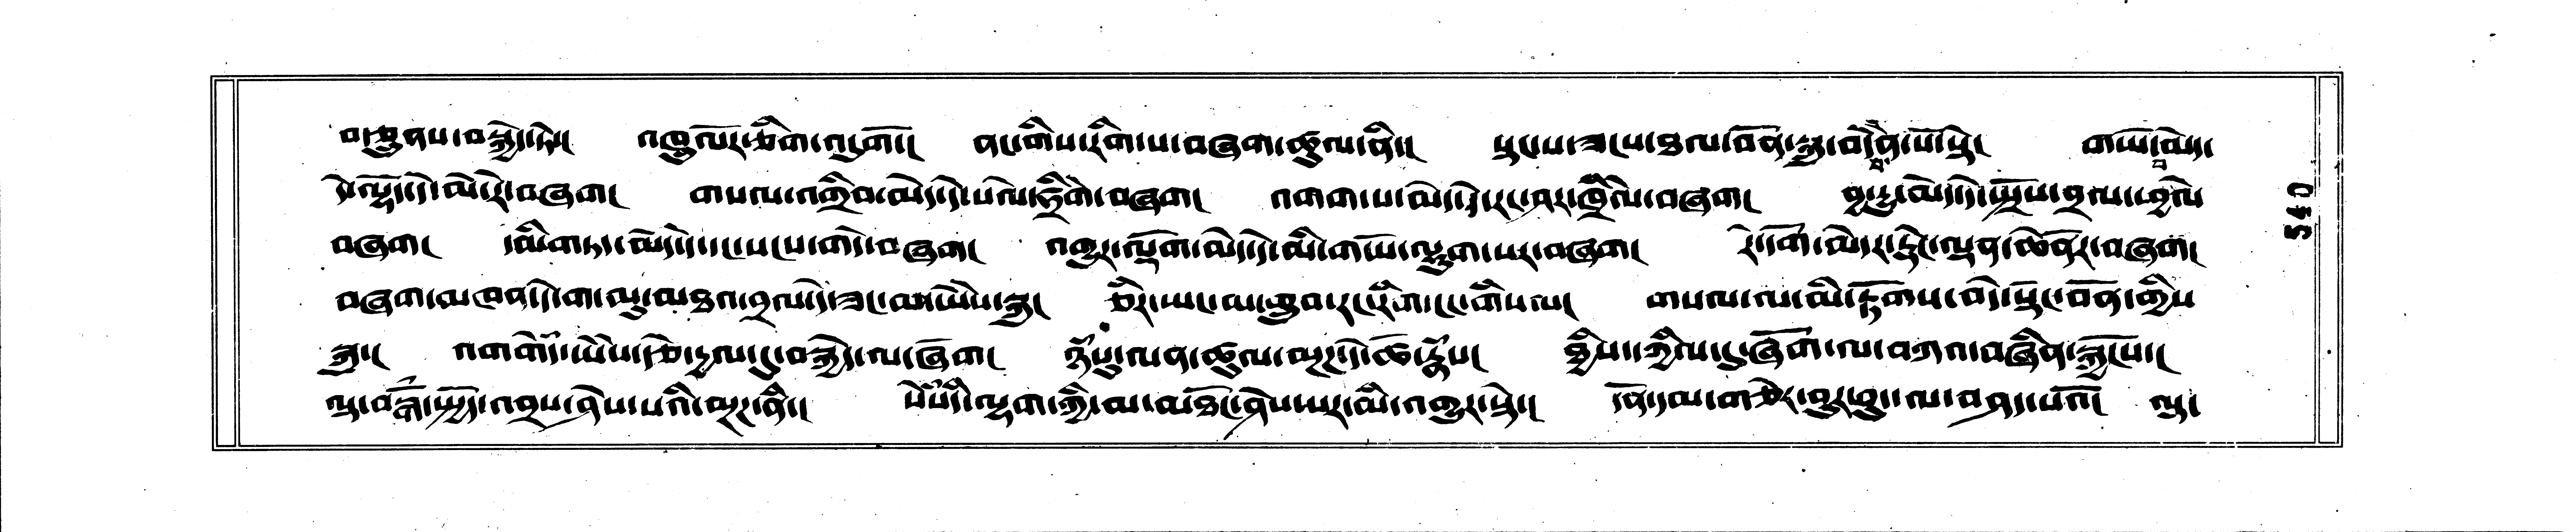བྱ་བ་ལ་བརྩོན་འགྲུས་སྒོམ་སྟེ། འཁྲུལ་འཁོར་ཅོག་འདུག་བྱའོ། ནང་གི་རིག་པ་བཞག་ཚུལ་ནི། སྟོང་པ་ཟང་ཏལ་བོན་སྐུ་བདེ་བ་ཆེན་པོ་སྟེ། གཡོ་བ་མེད་
དེ་ལྷོད་དེ་མེར་རེ་བཞག གསལ་སྒྲིབ་མེད་དེ་སལེ་ཧྲིག་གེ་བཞག གྷག་(འགག)པ་མེད་སྟེ་རང་ཤར་ཁྲོལ་ལེ་བཞག བྱ་རྒྱུ་མེད་སྟེ་སྤྲོས་བྲལ་ཕྱལ་ལེ་
བཞག། དམིགས་གཏད་མེད་སྟེ་དངས་སངས་ཀད་དེ་བཞགས། འགྱུར་ལྡོག་མེད་སྟེ་མི་གཡོ་ལྷུག་པར་བཞག རེ་དོག་མེད་པར་ལྡིང་༼གདེང་༽ལྡན་ཆེན་པོར་བཞགས། 
བཞག་པོ་དེ་ཀ་མུ་མཐའ་བྲལ་བ་སྟེ། རང་རིག་ཟངས་མ་ཡེ་ཤེས་སྐུ། ཅི་ཡང་མ་གྲུབ་རང་རིག་ངང་གིས་གསལ། གསལ་ལ་མི་རྟོགས་བདེ་སྟོང་བོན་གྱི་
སྐུ། གྷག(འགག)་མེད་ཡེ་ཤེས་རྩེ་རྒྱལ་བསྐྱེད་ལ་ཞོགས། ཉམས་སུ་ལེན་ཚུལ་མེན་ངག་དེ་ཚོ་རྣམས། ཐུགས་ཀྱི་དཀྱིལ་དུ་ཞོག་ལ་བཀའ་བཞིན་སྐྱོངས། 
ལྟ་སྒོམས་སྤྱོད་འབྲས་ཤེས་པའི་མེན་ངག་ནི། སེམས་ཉིད་ལྷག་གིས་མ་མཐོང་རང་རིག་ཤར་བར་མི་གྱུར་ཏེ། དོན་དམ་གཅེར་བུར་ཕུད་ལ་བཤད་པའོ། ལྟ་